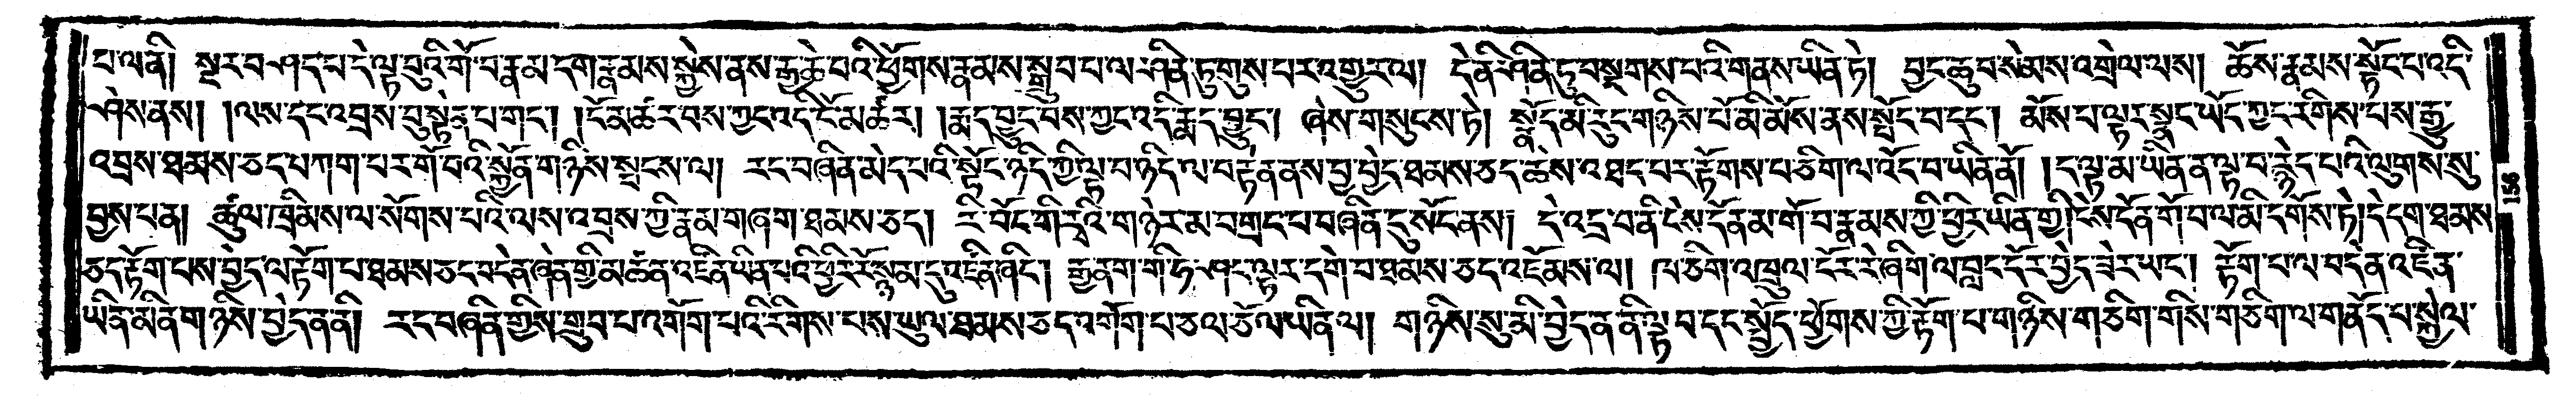པ་ལ་ནི། སྔར་བཤད་པ་དེ་ལྟ་བུའི་གོ་བ་རྣམ་དག་རྣམས་སྐྱེས་ནས་རྒྱ་ཆེ་བའི་ཕྱོགས་རྣམས་སྒྲུབ་པ་ལ་ཤིན་ཏུ་གུས་པར་འགྱུར་ལ། དེ་ནི་ཤིན་ཏུ་བསྔགས་པའི་གནས་ཡིན་ཏེ། བྱང་ཆུབ་སེམས་འགྲེལ་ལས། ཆོས་རྣམས་སྟོང་པ་འདི་
ཤེས་ནས། །ལས་དང་འབྲས་བུ་སྟེན་པ་གང་། །ངོ་མཚར་བས་ཀྱང་འདི་ངོ་མཚར། །རྨད་བྱུང་བས་ཀྱང་འདི་རྨད་བྱུང་། ཞེས་གསུངས་ཏེ། སྣོད་མི་རུང་གཉིས་པོ་མི་མོས་ནས་སྤོང་བ་དང་། །མོས་པ་ལྟར་སྣང་ཡོད་ཀྱང་རིགས་པས་རྒྱུ་
འབྲས་ཐམས་ཅད་བཀག་པར་གོ་བའི་སྐྱོན་གཉིས་སྤངས་ལ། རང་བཞིན་མེད་པའི་སྟོང་ཉིད་ཀྱི་ལྟ་བ་ཉིད་ལ་བརྟེན་ནས་བྱ་བྱེད་ཐམས་ཅད་ཆེས་འཐད་པར་རྟོགས་པ་ཅིག་ལ་འོང་བ་ཡིན་ནོ། །དེ་ལྟ་མ་ཡིན་ན་ལྟ་བ་རྙེད་པའི་ལུགས་སུ་
བྱས་པ་ན། ཚུལ་ཁྲིམས་ལ་སོགས་པའི་ལས་འབྲས་ཀྱི་རྣམ་གཞག་ཐམས་ཅད། རི་བོང་གི་རྭའི་གཉེར་མ་བགྲང་པ་བཞིན་དུ་སོང་ནས། དེ་འདྲ་བ་ནི་ངེས་དོན་མ་གོ་བ་རྣམས་ཀྱི་ཕྱིར་ཡིན་གྱི། ངེས་དོན་གོ་བ་ལ་མི་དགོས་ཏེ། དེ་དག་ཐམས་
ཅད་རྟོག་པས་བྱེད་ལ་རྟོག་པ་ཐམས་ཅད་བདེན་ཞེན་གྱི་མཚན་འཛིན་ཡིན་པའི་ཕྱིར་རོ་སྙམ་དུ་འཛིན་ཞིང་། རྒྱ་ནག་གི་ཧྭ་ཤང་ལྟར་དགེ་བ་ཐམས་ཅད་འཇོམས་ལ། ཁ་ཅིག་འཁྲུལ་ངོར་རེ་ཞིག་ལ་བླང་དོར་བྱེད་ཟེར་ཡང་། རྟོག་པ་ལ་བདེན་འཛིན་
ཡིན་མིན་གཉིས་བྱེད་ན་ནི། རང་བཞིན་གྱིས་གྲུབ་པ་འགོག་པའི་རིགས་པས་ཡུལ་ཐམས་ཅད་འགོག་པ་ཅལ་ཅོལ་ཡིན་ལ། གཉིས་སུ་མི་བྱེད་ན་ནི་ལྟ་བ་དང་སྤྱོད་ཕྱོགས་ཀྱི་རྟོག་པ་གཉིས་གཅིག་གིས་གཅིག་ལ་གནོད་པ་སྐྱེལ་